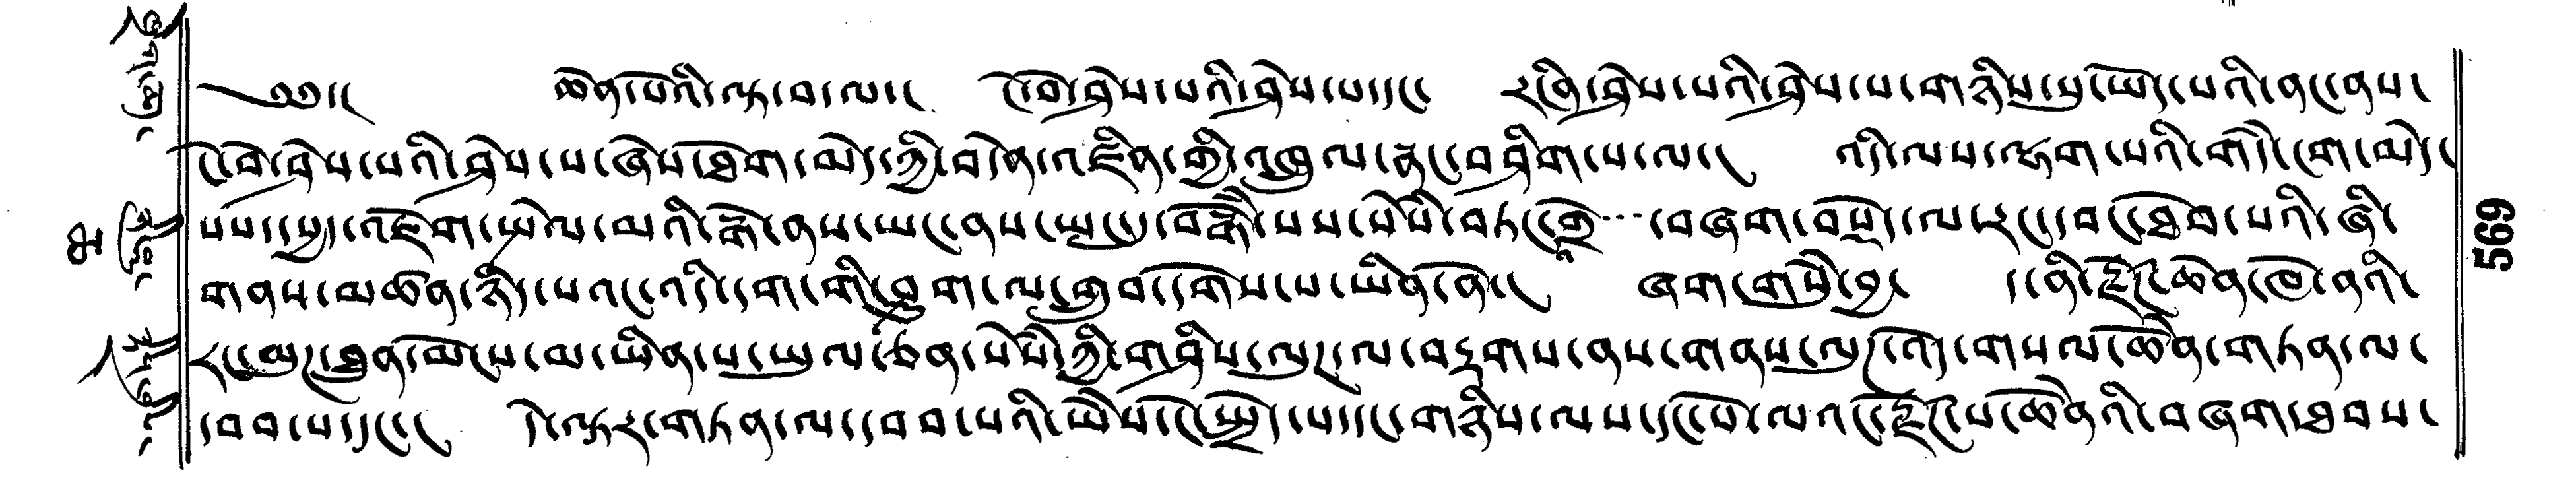ཆེན་པོའི་ལྟ་བ་ལ། ངོ་བོ་ཤེས་པའི་ཤེས་པ་དང་། རང་བཞིན་ཤེས་པའི་ཤེས་པ་གཉིས་སུ་ཡོད་པའི་ནང་ནས། 
ངོ་བོ་ཤེས་པའི་ཤེས་པ་ཞེས་ཐོག་མེད་ཀྱི་བདེན་འཛིན་གྱི་འཁྲུལ་སྣང་བཤིག་པ་ལ། འདི་ལས་ལྷག་པའི་གདམས་ངག་མེད་
པས་དཔྱད་འཇོག་སྤེལ་མའི་སྒོ་ནས་ཡང་ནས་ཡང་དུ་བསྒོམ་པས་སེམས་བཏང་འགྲོ་བཞག་བསྡོད་ལ་རང་དབང་ཐོབ་པའི་ཞི་
གནས་མཚན་ཉིད་པའང་འདི་དག་གི་ཤུགས་ལ་གྲུབ་དགོས་པ་ཡིན་ནོ། ཞག་གསུམ་བྱ། ད་ནི་རྫོགས་ཆེན་ཁོ་ནའི་
རང་ལུགས་ཐུན་མོང་མ་ཡིན་པ་ཡུལ་ཅན་སེམས་ཀྱི་གཤིས་ལུགས་ལ་བརྟགས་ནས་གནས་ལུགས་འོད་གསལ་ཆེན་པོར་གཏན་ལ་
དབབ་པ་དང་། དེ་ལྟར་གཏན་ལ་དབབ་པའི་ཡེ་ཤེས་ངོ་སྤྲོད་པ་དང་གཉིས་ལས་དང་པོ་ལའང་རྫོགས་པ་ཆེན་པོའི་བཞག་ཐབས་